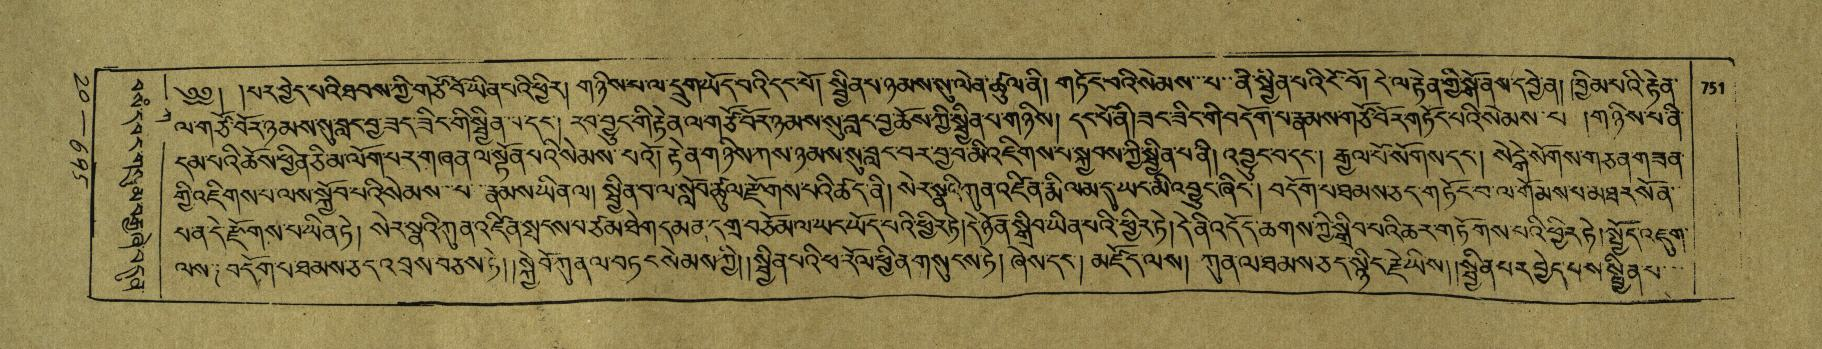༄༅། །པར་བྱེད་པའི་ཐབས་ཀྱི་གཙོ་བོ་ཡིན་པའི་ཕྱིར། གཉིས་པ་ལ་དྲུག་ཡོད་པའི་དང་པོ། སྦྱིན་པ་ཉམས་སུ་ལེན་ཚུལ་ནི། གཏོང་བའི་སེམས་པ་ནི་སྦྱིན་པའི་ངོ་བོ། དེ་ལ་རྟེན་གྱི་སྒོ་ནས་དབྱེ་ན། ཁྱིམ་པའི་རྟེན་
ལ་གཙོ་བོར་ཉམས་སུ་བླང་བྱ་ཟད་ཟིང་གི་སྦྱིན་པ་དང་། རབ་བྱུང་གི་རྟེན་ལ་གཙོ་བོར་ཉམས་སུ་བླང་བྱ་ཆོས་ཀྱི་སྦྱིན་པ་གཉིས། དང་པོ་ནི། ཟང་ཟིང་གི་བདོག་པ་རྣམས་གཙོ་བོར་གཏོང་པའི་སེམས་པ་།གཉིས་པ་ནི་
དམ་པའི་ཆོས་ཕྱིན་ཅི་མ་ལོག་པར་གཞན་ལ་སྟོན་པའི་སེམས་པའོ། རྟེན་གཉིས་ཀས་ཉམས་སུ་བླང་བར་བྱ་བ་མི་འཇིགས་པ་སྐྱབས་ཀྱི་སྦྱིན་པ་ནི། འབྱུང་བ་དང་། རྒྱལ་པོ་སོགས་དང་། སེངྒེ་སོགས་གཅན་གཟན་
གྱི་འཇིགས་པ་ལས་སྐྱོབ་པའི་སེམས་པ་རྣམས་ཡིན་ལ། སྦྱིན་བ་ལ་སློབ་ཚུལ་རྫོགས་པའི་ཚད་ནི། སེར་སྣའི་ཀུན་འཛིན་རྨི་ལམ་དུ་ཡང་མི་འབྱུང་ཞིང་། བདོག་པ་ཐམས་ཅད་གཏོང་བ་ལ་གོམས་པ་མཐར་སོན་
པ་ན་དེ་རྫོགས་པ་ཡིན་ཏེ། སེར་སྣའི་ཀུན་འཛིན་སྤངས་པ་ཙམ་ཐེག་དམན་དགྲ་བཅོམ་ལ་ཡང་ཡོད་པའི་ཕྱིར་ཏེ། དེ་ཉོན་སྒྲིབ་ཡིན་པའི་ཕྱིར་ཏེ། དེ་ནི་འདོད་ཆགས་ཀྱི་སྒྲིབ་པའི་ཆར་གཏོགས་པའི་ཕྱིར་ཏེ། སྤྱོད་འཇུག་
ལས༑ བདོག་པ་ཐམས་ཅད་འབྲས་བཅས་ཏེ། །སྐྱེ་བོ་ཀུན་ལ་བཏང་སེམས་ཀྱི། །སྦྱིན་པའི་ཕ་རོལ་ཕྱིན་གསུངས་ཏེ། ཞེས་དང་། མཛོད་ལས། ཀུན་ལ་ཐམས་ཅད་སྙིང་རྗེ་ཡིས། །སྦྱིན་པར་བྱེད་པས་སྦྱིན་པ་